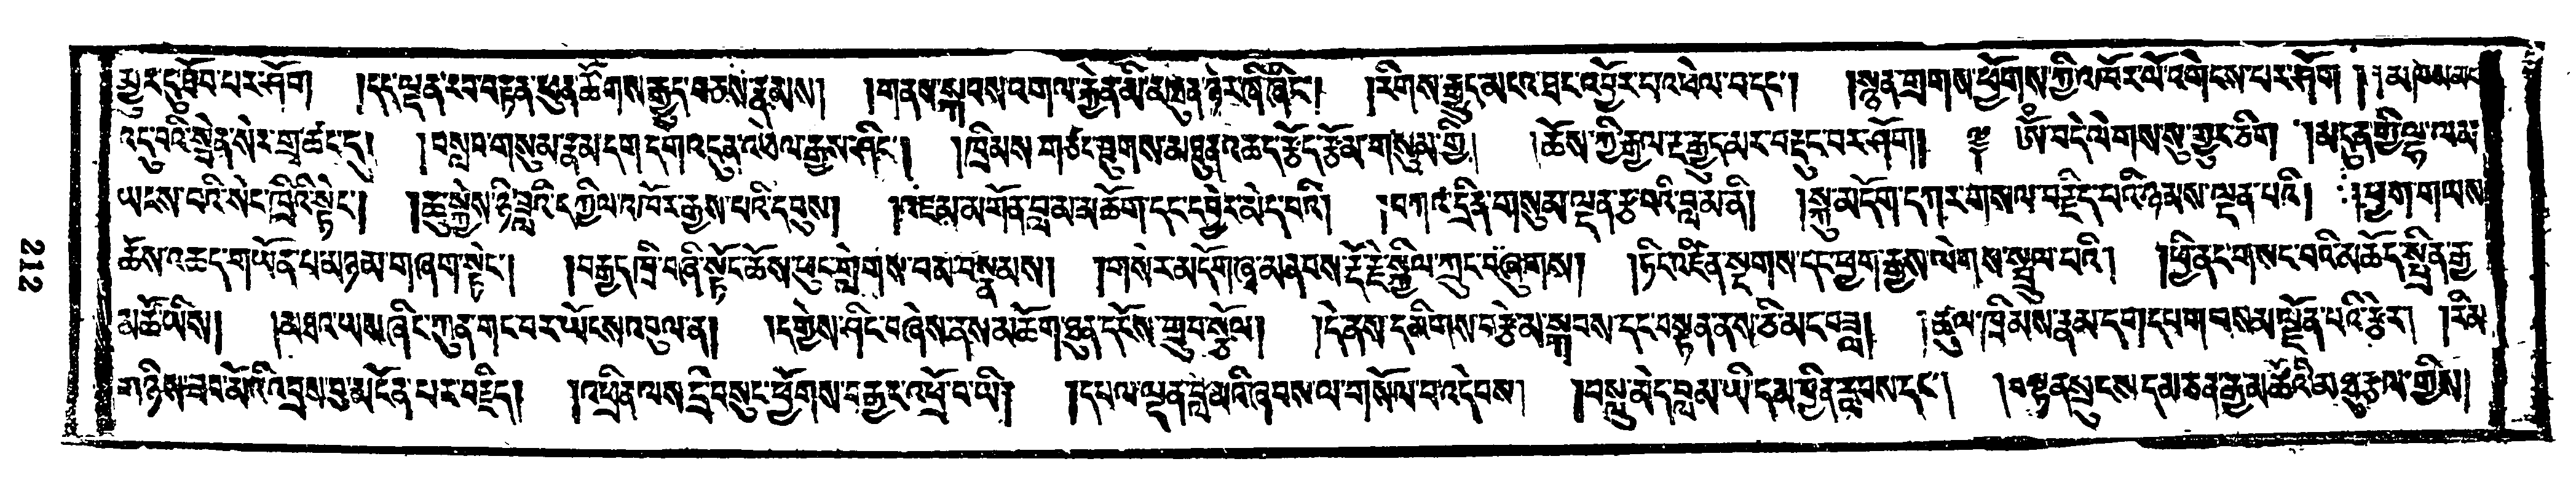མྱུར་དུ་ཐོབ་པར་ཤོག །དད་ལྡན་རབ་བརྟན་ཕུན་ཚོགས་རྒྱུད་བཅས་རྣམས། །གནས་སྐབས་འགལ་རྐྱེན་མི་མཐུན་ཉེར་ཞི་ཞིང་། །རིགས་རྒྱུད་མངའ་ཐང་འབྱོར་པ་འཕེལ་བ་དང་། །སྙན་གྲགས་ཕྱོགས་ཀྱི་འཁོར་ལོ་འགེངས་པར་ཤོག །མཁས་མང་
འདུ་བའི་སྦེན་སེར་གྲྭ་ཚང་དུ། །བསླབ་གསུམ་རྣམ་དག་དགེ་འདུན་འཕེལ་རྒྱས་ཤིང་། །ཁྲིམས་གཙང་ཐུགས་མཐུན་འཆད་རྩོད་རྩོམ་གསུམ་གྱི། །ཆོས་ཀྱི་རྒྱལ་རྔ་རྒྱུད་མར་བརྡུང་བར་ཤོག། ༈ ཨོཾ་བདེ་ལེགས་སུ་གྱུར་ཅིག །མདུན་གྱི་ལྷ་ལམ་
ཡངས་བའི་སེང་ཁྲིའི་སྟེང་། །ཆུ་སྐྱེས་ཉི་ཟླའི་དཀྱིལ་འཁོར་རྒྱས་པའི་དབུས། །འཇམ་མགོན་བླ་མ་མཆོག་དང་དབྱེར་མེད་པའི། །བཀའ་དྲིན་གསུམ་ལྡན་རྩ་བའི་བླ་མ་ནི། །སྐུ་མདོག་དཀར་གསལ་བརྗིད་པའི་ཉམས་ལྡན་པའི། །ཕྱག་གཡས་
ཆོས་འཆད་གཡོན་པ་མཉམ་གཞག་སྟེང་། །བརྒྱད་ཁྲི་བཞི་སྟོང་ཆོས་ཕུང་གླེགས་བམ་བསྣམས། །གསེར་མདོག་ཞྭ་མན་བས་རྡོ་རྗེ་སྐྱིལ་ཀྲུང་བཞུགས། །ཏིང་འཛིན་སྔགས་དང་ཕྱག་རྒྱས་ལེགས་སྦྲུལ་པའི། །ཕྱི་ནང་གསང་བའི་མཆོད་སྤྲིན་རྒྱ་
མཚོ་ཡིས། །མཐའ་ཡས་ཞིང་ཀུན་གང་བར་ཡོངས་འབུལ་ན། །དགྱེས་ཤིང་བཞེས་ནས་མཆོག་ཐུན་དངོས་གྲུབ་སྩོལ། །དེ་ནས་དམིགས་བརྩེ་མ་སྐབས་དང་བསྟན་ནས་ཅི་མང་བཟླ། །ཚུལ་ཁྲིམས་རྣམ་དག་དཔག་བསམ་ལྗོན་པའི་རྩེར། །རིམ་
གཉིས་ཟབ་མོའི་འབྲས་བུ་མངོན་པར་བརྗིད། །འཕྲིན་ལས་དྲི་བསུང་ཕྱོགས་བརྒྱར་འཕྲོ་བ་ཡི། །དཔལ་ལྡན་བླ་མའི་ཞབས་ལ་གསོལ་བ་འདེབས། །བསླུ་མེད་བླ་མ་ཡི་དམ་བྱིན་རླབས་དང་། །བསྟན་སྲུངས་དམ་ཅན་རྒྱ་མཚོའི་མཐུ་རྩལ་གྱིས།